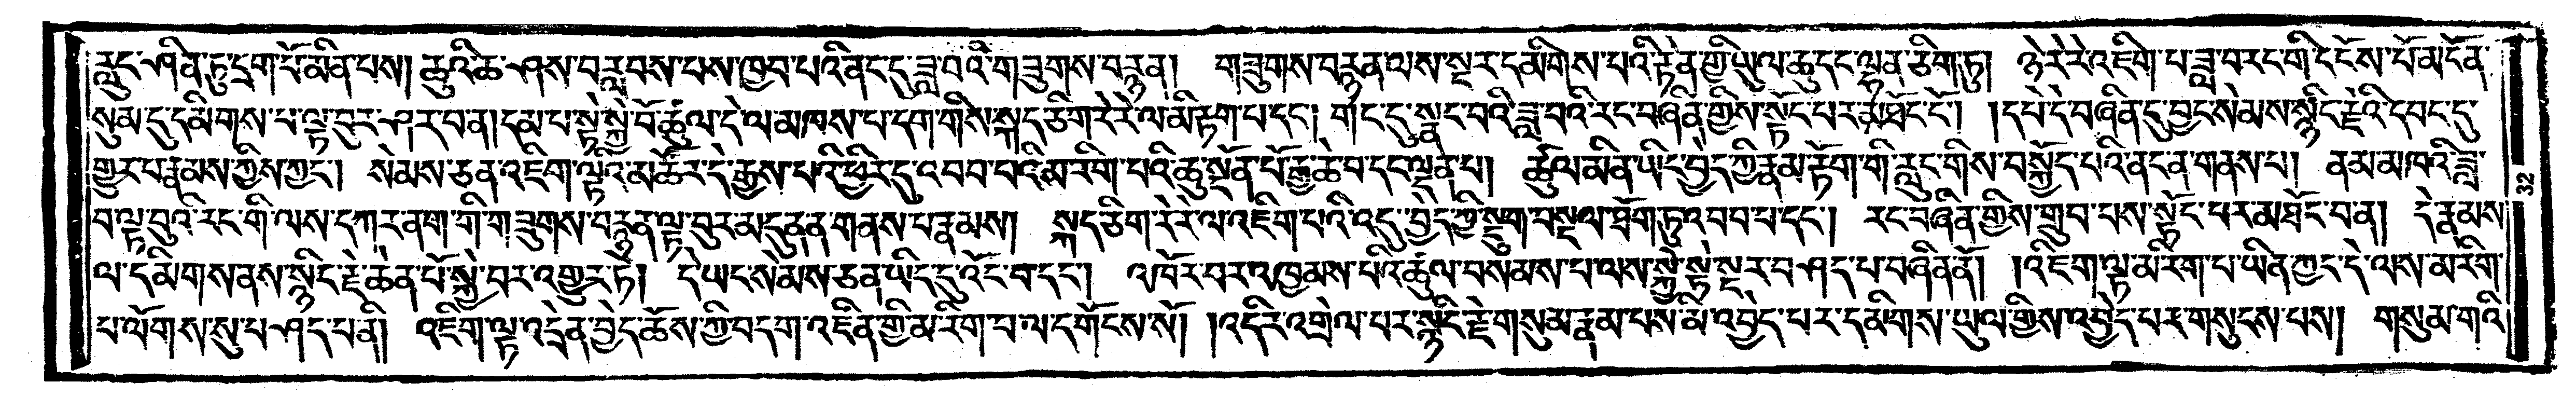རླུང་ཤིན་ཏུ་དྲག་པོ་མིན་པས། ཆུའི་ཆ་ཤས་བརླབས་པས་ཁྱབ་པའི་ནང་དུ་ཟླ་བའི་གཟུགས་བརྙན། གཟུགས་བརྙན་ལས་སྔར་དམིགས་པའི་རྟེན་གྱི་ཡུལ་ཆུ་དང་ལྷན་ཅིག་ཏུ། ཉེ་རེ་རེ་འཇིག་པ་ཟླ་བ་རང་གི་དངོས་པོ་མངོན་
སུམ་དུ་དམིགས་པ་ལྟ་བུར་ཤར་བ་ན། དམ་པ་སྟེ་སྐྱེ་བོ་ཚུལ་དེ་ལ་མཁས་པ་དག་གིས་སྐད་ཅིག་རེ་རེ་ལ་མི་རྟག་པ་དང་། གང་དུ་སྣང་བའི་ཟླ་བའི་རང་བཞིན་གྱིས་སྟོང་པར་མཐོང་ངོ། །དཔེ་དེ་བཞིན་དུ་བྱང་སེམས་སྙིང་རྗེའི་དབང་དུ་
གྱུར་པ་རྣམས་ཀྱིས་ཀྱང་། སེམས་ཅན་འཇིག་ལྟའི་མཚོར་དེ་རྒྱས་པའི་ཕྱིར་དུ་འབབ་པའི་མ་རིག་པའི་ཆུ་སྔོན་པོ་རྒྱ་ཆེ་བ་དང་ལྡན་པ། ཚུལ་མིན་ཡིད་བྱེད་ཀྱི་རྣམ་རྟོག་གི་རླུང་གིས་བསྐྱོད་པའི་ནང་ན་གནས་པ། ནམ་ཁའི་ཟླ་
བ་ལྟ་བུའི་རང་གི་ལས་དཀར་ནག་གི་གཟུགས་བརྙན་ལྟ་བུར་མདུན་ན་གནས་པ་རྣམས། སྐད་ཅིག་རེ་རེ་ལ་འཇིག་པའི་འདུ་བྱེད་ཀྱི་སྡུག་བསྔལ་ཐོག་ཏུ་འབབ་པ་དང་། རང་བཞིན་གྱིས་གྲུབ་པས་སྟོང་པར་མཐོང་བ་ན། དེ་རྣམས་
ལ་དམིགས་ནས་སྙིང་རྗེ་ཆེན་པོ་སྐྱེ་བར་འགྱུར་ཏེ། དེ་ཡང་སེམས་ཅན་ཡིད་དུ་འོང་བ་དང་། འཁོར་བར་འཁྱམས་པའི་ཚུལ་བསམས་པ་ལས་སྐྱེ་སྟེ་སྔར་བཤད་པ་བཞིན་ནོ། །འཇིག་ལྟ་མ་རིག་པ་ཡིན་ཀྱང་དེ་ལས་མ་རིག་
པ་ལོགས་སུ་བཤད་པ་ནི། འཇིག་ལྟ་འདྲེན་བྱེད་ཆོས་ཀྱི་བདག་འཛིན་གྱི་མ་རིག་པ་ལ་དགོངས་སོ། །འདིར་འགྲེལ་པར་སྙིང་རྗེ་གསུམ་རྣམ་པས་མི་འབྱེད་པར་དམིགས་ཡུལ་གྱི་འབྱེད་པར་གསུངས་པས། གསུམ་གའི་